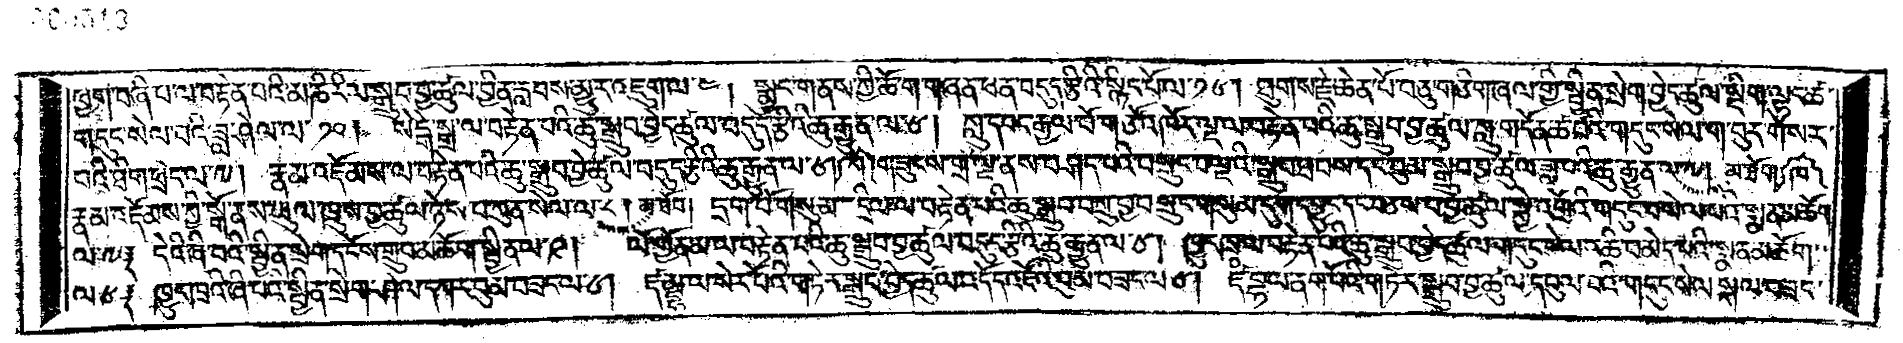ཕྱག་བཞི་པ་ལ་བརྟེན་པའི་མ་ཎི་རིལ་སྒྲུབ་བྱ་ཚུལ་བྱིན་རླབས་མྱུར་འཇུག་ལ ༤། སྨྱུང་གནས་ཀྱི་ཆོ་ག་གཞན་ཕན་བདུད་རྩིའི་སྙིང་པོ་ལ ༡༦། ཐུགས་རྗེ་ཆེན་པོ་བཅུ་གཅིག་ཞལ་གྱི་སྦྱིན་སྲེག་བྱེད་ཚུལ་སྡིག་ལྟུང་ཚ་
གདུང་སེལ་བའི་ཟླ་ཤེལ་ལ ༡༠། སེངྒེ་སྒྲ་ལ་བརྟེན་པའི་ཆུ་སྒྲུབ་བྱེད་ཚུལ་བདུད་རྩིའི་ཆུ་རྒྱུན་ལ ༦། ཀླུ་དབང་རྒྱལ་བོ་གཙོ་འཁོར་ལྔ་ལ་བརྟེན་པའི་ཆུ་སྒྲུབ་བྱ་ཚུལ་ཀླུ་གདོན་ཚ་བའི་གདུང་སེལ་ག་བུར་གསར་
བའི་ཐིག་ཕྲེང་ལ ༧། རྣམ་འཇོམས་ལ་བརྟེན་པའི་ཆུ་སྒྲུབ་བྱེ་ཚུལ་བདུད་རྩིའི་ཆུ་རྒྱུན་ལ ༦། ༼ཀ༽ གཟུངས་གྲ་ལྔ་ནས་བཤད་པའི་བསྲུང་བ་ལྔའི་སྒྲུབ་ཐབས་དང་བུམ་སྒྲུབ་བྱ་ཚུལ་ཟླ་བའི་ཆུ་རྒྱུན་ལ་མ་ཐོག་༧། ༼ཁ༽
རྣམ་འཇོམས་ཀྱི་སྒོ་ནས་ཡུལ་ཁྲུས་བྱ་ཚུལ་ཉེས་པ་ཀུན་སེལ་ལ་མ་ཐོབ།  ༨། དྲག་པོ་གསུམ་དྲིལ་ལ་བརྟེན་པའི་ཆུ་སྒྲུབ་བཀྲུ་བྱ་བསྲུང་གསུམ་དུག་དབྱུང་དང་བཅས་པ་བྱ་ཚུལ་སྐྱེ་འགྲོའི་གདུང་བསེལ་པའི་སྨན་མཆོག་
ལ ༧་༈ དེའི་ཞི་བའི་སྦྱིན་སྲེག་དངོས་གྲུབ་མཆོག་སྦྱིན་ལ ༩། ལོ་གྱོན་མ་ལ་བརྟེན་པའི་ཆུ་སྒྲུབ་བྱ་ཚུལ་བདུད་རྩིའི་ཆུ་རྒྱུན་ལ ༦། ཁྱུད་ཁྲ་ལ་བརྟེན་པའི་ཆུ་སྒྲུབ་བྱེད་ཚུལ་གདུང་སེལ་འཆི་བ་མེད་པའི་སྨན་མཆོག་
ལ ༦་༈ ཁྱུང་ཁྲའི་ཞི་པའི་སྦྱིན་སྲེག་ཤེལ་དཀར་བུམ་བཟང་ལ ༦། ཛམྦྷ་ལ་སེར་པོའི་གཏེར་སྒྲུབ་བྱེད་ཚུལ་འདོད་འཛོའི་བུམ་བཟང་ལ ༦། ཛ་བྷ་ལ་ནག་པོའི་གཏེར་སྒྲུབ་བྱ་ཚུལ་དབུལ་བའི་གདུང་སེལ་སྐལ་བཟང་